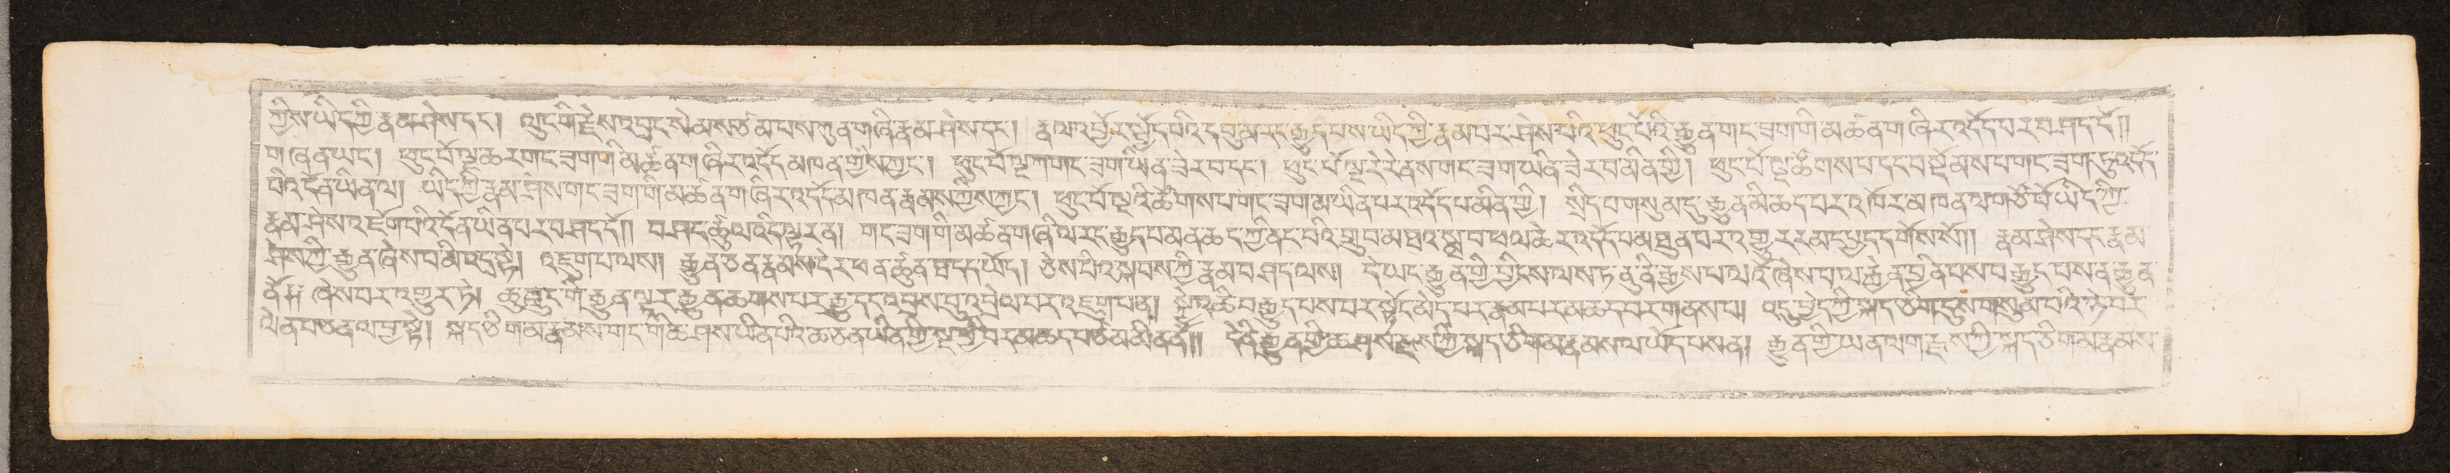ཀྱིས་ཡིད་ཀྱི་རྣམ་ཤེས་དང་། ལུང་གི་རྗེས་འབྲང་སེམས་ཙམ་པས་ཀུན་གཞི་རྣམ་ཤེས་དང་། རྣལ་འབྱོར་སྤྱོད་པའི་དབུ་མ་རང་རྒྱུད་པས་ཡིད་ཀྱི་རྣམ་པར་ཤེས་པའི་ཕུང་པོའི་རྒྱུན་གང་ཟག་གི་མཚན་གཞིར་འདོད་པར་བཤད་དོ།།
གཞན་ཡང་། ཕུང་པོ་ལྔ་ཆར་གང་ཟག་གི་མཚན་གཞིར་འདོད་མཁན་རྣམས་ཀྱིས་ཀྱང་། ཕུང་པོ་ལྔའི་གང་ཟག་ཡིན་ཟེར་བ་དང་། ཕུང་པོ་ལྔ་རེ་རེ་ནས་གང་ཟག་ཡིན་ཟེར་བ་མིན་གྱི། ཕུང་པོ་ལྔ་ཚོགས་པ་དང་བསྡོམས་པ་གང་ཟག་ཏུ་འདོད་
པའི་དོན་ཡིན་ལ། ཡིད་ཀྱི་རྣམ་ཤེས་གང་ཟག་གི་མཚན་གཞིར་འདོད་མཁན་རྣམས་ཀྱིས་ཀྱང་། ཕུང་པོ་ལྔའི་ཚོགས་པ་གང་ཟག་མ་ཡིན་པར་འདོད་པ་མིན་གྱི། སྲིད་པ་གསུམ་དུ་རྒྱུན་མི་ཆད་པར་འཁོར་མཁན་ལ་གཙོ་བོ་ཡིད་ཀྱི་
རྣམ་ཤེས་འཇོག་པའི་དོན་ཡིན་པར་བཤད་དོ།། བཤད་ཚུལ་འདི་ལྟར་ན། གང་ཟག་གི་མཚན་གཞི་ལ་རང་རྒྱུད་པ་མན་ཆད་ཀྱི་ནང་བའི་གྲུབ་མཐའ་སྨྲ་བ་ཕལ་ཆེར་འདོད་པ་མཐུན་པར་འགྱུར་རམ་དཔྱད་དགོས་སོ།། རྣམ་ཤེས་དང་རྣམ་
ཤེས་ཀྱི་རྒྱུན་ཞེས་པ་མི་འདྲ་སྟེ། འཇིག་པ་ལས། རྒྱེན་ཅན་རྣམས་ངེར་ཕན་ཚུན་ཐ་དད་ཡོད། ཅེས་པའི་སྐབས་ཀྱི་རྣམ་བཤད་ལས། དེ་ཡང་རྒྱུན་གྱི་བྱིངས་ལས་ཏ་ནུ་མི་རྒྱས་པ་ལའོ་ཞེས་པ་ལ་རྐྱེན་བྱིན་པས་བརྒྱུད་པས་ན་རྒྱུན་
ནོ༑༑ ཞེས་པར་འགྱུར་ཏེ། ཆུ་གླུང་གི་རྒྱུན་ལྟར་རྒྱུན་ཆགས་པར་རྒྱུ་དང་འབྲས་བུ་འབྲེལ་བར་འཇུག་པ་ན། སྐྱེ་འཆི་བརྒྱུད་པས་བར་སྟོང་མེད་པར་རྣམ་པར་མཆད་པར་གནས་པ། འདུ་བྱེད་ཀྱི་སྐད་ཅིག་དུས་གསུམ་པའི་ཉེ་བར་
ལེན་པ་ཅན་ལ་བྱ་སྟེ། སྐད་ཅིག་མ་རྣམས་གང་གི་ཆ་ཤས་ཡིན་པའི་ཆ་ཅན་ཡིན་གྱི་སྔ་ཕྱི་བར་མ་ཆད་པ་ཙམ་མིན་ནོ།། དེ་ནི་རྒྱུན་གྱི་ཆ་ཤས་རྫས་ཀྱི་སྐད་ཅིག་མ་རྣམས་ལ་ཡོད་པས་ན། རྒྱུན་གྱི་ཡན་ལག་རྫས་ཀྱི་སྐད་ཅིག་མ་རྣམས་